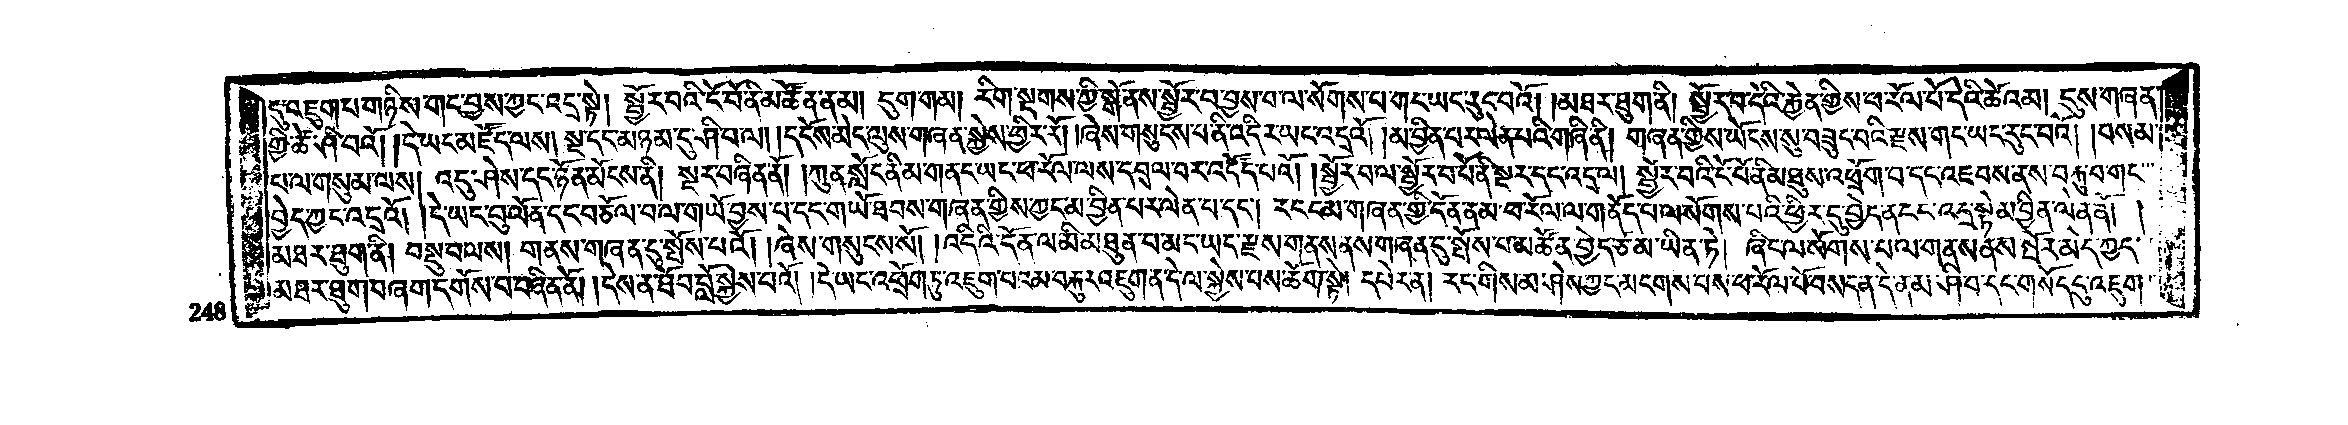དུ་འཇུག་པ་གཉིས་གང་བྱས་ཀྱང་འདྲ་སྟེ། སྦྱོར་བའི་ངོ་བོ་ནི་མཚོན་ནམ། དུག་གམ། རིག་སྔགས་ཀྱི་སྒོ་ནས་སྦྱོར་བ་བྱས་པ་ལ་སོགས་པ་གང་ཡང་རུང་བའོ། །མཐར་ཐུག་ནི། སྦྱོར་བ་དེའི་རྐྱེན་གྱིས་ཕ་རོལ་པོ་དེའི་ཚེའམ། དུས་གཞན་
གྱི་ཚེ་ཤི་བའོ། །དེ་ཡང་མཛོད་ལས། སྔ་དང་མཉམ་དུ་ཤི་བ་ལ། །དངོས་མེད་ལུས་གཞན་སྐྱེས་ཕྱིར་རོ། །ཞེས་གསུངས་པ་ནི་འདིར་ཡང་འདྲའོ། །མ་བྱིན་པར་ལེན་པའི་གཞི་ནི། གཞན་གྱིས་ཡོངས་སུ་བཟུང་བའི་རྫས་གང་ཡང་རུང་བའོ། །བསམ་
པ་ལ་གསུམ་ལས། འདུ་ཤེས་དང་ཉོན་མོངས་ནི། སྔར་བཞིན་ནོ། །ཀུན་སློང་ནི་མ་གནང་ཡང་ཕ་རོལ་ལས་དབྲལ་བར་འདོད་པའོ། །སྦྱོར་བ་ལ་སྦྱོར་བ་པོ་ནི་སྔར་དང་འདྲ་ལ། སྦྱོར་བའི་ངོ་བོ་ནི་མཐུས་འཕྲོག་པ་དང་འཇབས་ནས་བརྐུ་བ་གང་
བྱེད་ཀྱང་འདྲའོ། །དེ་ཡང་བུ་ལོན་དང་བཅོལ་བ་ལ་གཡོ་བྱས་པ་དང་གཡོ་ཐབས་གཞན་གྱིས་ཀྱང་མ་བྱིན་པར་ལེན་པ་དང་། རང་ངམ་གཞན་གྱི་དོན་ནམ་ཕ་རོལ་ལ་གནོད་པ་ལ་སོགས་པའི་ཕྱིར་དུ་བྱེད་ནའང་འདྲ་སྟེ་མ་བྱིན་ལེན་ནོ། །
མཐར་ཐུག་ནི། བསྡུ་བ་ལས། གནས་གཞན་དུ་སྤོས་པའོ། །ཞེས་གསུངས་སོ། །འདིའི་དོན་ལ་མི་མཐུན་པ་མང་ཡང་རྫས་གནས་ནས་གཞན་དུ་སྤོས་པ་མཚོན་བྱེད་ཙམ་ཡིན་ཏེ། ཞིང་ལ་སོགས་པ་ལ་གནས་ནས་སྤོར་མེད་ཀྱང་
མཐར་ཐུག་བཞག་དགོས་པ་བཞིན་ནོ། །དེས་ན་ཐོབ་བློ་སྐྱེས་པའོ། །དེ་ཡང་འཕྲོག་ཏུ་འཇུག་པའམ་བརྐུར་འཇུག་ན་དེ་ལ་སྐྱེས་པས་ཆོག་སྟེ། དཔེར་ན། རང་གིས་མ་ཤེས་ཀྱང་མངགས་པས་ཕ་རོལ་པོ་བསད་ན་དེ་ནམ་ཤི་བ་དང་གསོད་དུ་འཇུག་